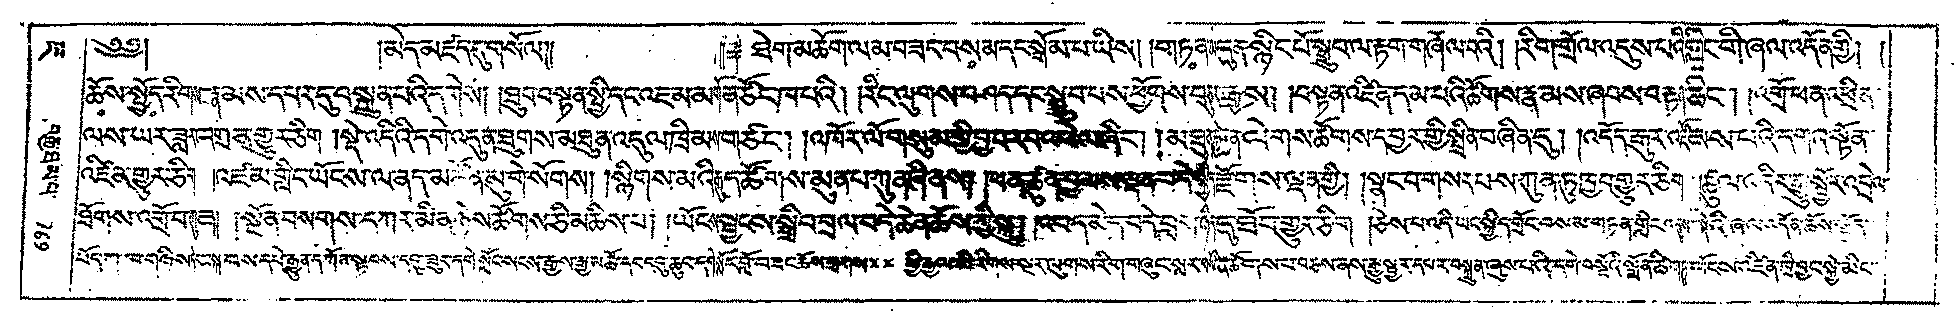༄༅། །མེད་མཛད་དུ་གསོལ།། །། ༈ ཐེག་མཆོག་ལམ་བཟང་བསམ྾་དང་སྒོམ་པ་ཡིས། །གཏན྾་མདུན་སྙིང་པོ་སྒྲུབ་ལ་རྟག་གཞོལ་བའི། །རིག་གྲོལ་འདུས་པའི་གླིང྾་གི་ཞལ་འདོན་གྱི། །
ཆོས྾་སྤྱོད྾་རིགས་རྣམས་དཔར་དུ་བསྐྲུན་པའི་དགེས། །ཐུབ་བསྟན་སྤྱི་དང་འཇམ་མགོན་ཙོང་ཁ་པའི། །རིང་ལུགས་བཤད་དང་སྒྲུབ་པས་ཕྱོགས་བཅུར་རྒྱས། །བསྟན་འཛིན་དམ་པའི་ཚོགས་རྣམས་ཞབས་བརྟན་ཅིང་། །འགྲོ་ཕན་འཕྲིན་
ལས་ཡར་ཟླར་འགྲན་གྱུར་ཅིག །སྡེ་འདིའི་དགེ་འདུན་ཐུགས་མཐུན་འདུལ་ཁྲིམས་གཙང་། །འཁོར་ལོ་གསུམ་གྱི་བྱ་བ་རབ་འཕེལ་ཞིང་། །མཐུན་རྐྱེན་ལེགས་ཚོགས་དབྱར་གྱི་སྤྲིན་བཞིན་དུ། །འདོད་རྒུར་འཛོམས་པའི་དགའ་སྟོན་
འཛིན་གྱུར་ཅིག །འཛམ་གླིང་ཡོངས་ལ་ནད་མཚོན་མུ་གེ་སོགས། །སྙིགས་མའི་རྒུད་ཚོགས་མུན་པ་ཀུན་ཞི་ནས། །ཕན་ཚུན་བྱམས་ལྡན་བདེ་སྐྱིད་རྫོགས་ལྡན་གྱི། །སྣང་བ་གསར་པས་ཀུན་ཏུ་ཁྱབ་གྱུར་ཅིག །ཚུལ་འདིར་རྒྱུ་སྦྱོར་འབྲེལ་
ཐོགས་འགྲོ་བ་ཀུན། །སྔོན་བསགས་དཀར་མིན་ཉེས་ཚོགས་ཅི་མཆིས་པ། །ཡོངས་སྦྱངས་སྒྲིབ་བྲལ་བདེ་ཆེན་ཆོས་ཀྱི་སྐུ། །འབད་མེད་བདེ་བླག་ཉིད་དུ་ཐོབ་གྱུར་ཅིག །ཅེས་པ་འདི་ཡང་སྐྱིད་གྲོང་བསམ་གཏན་གླིང་འདུས་སྡེའི་ཞལ་འདོན་ཆོས་སྤྱོད་
པོད་ཀ་ཁ་གཉིས་དེང་སྐབས་དཔེ་རྒྱུན་དཀོན་སྟབས་དབུ་ཟུར་དགེ་སློང་སངས་རྒྱས་རྒྱ་མཚོ་དང་དབུ་ཆུང་དགེ་སློང་བློ་བཟང་ཆོས་གྲགས་྾་྾་ཕྱི་རྒྱལ་མི་རིགས་སྔར་ལུགས་རིག་གཞུང་སླར་གསོའི་ཚོགས་པ་བཅས་ནས་རྒྱུ་སྦྱར་དཔར་བསྐྲུན་ཞུས་པའི་དགེ་བསྔོའི་སྨོན་ཚིག་ཏུ་ཡོངས་འཛིན་ཁྲི་བྱང་སྐྱེ་མིང་